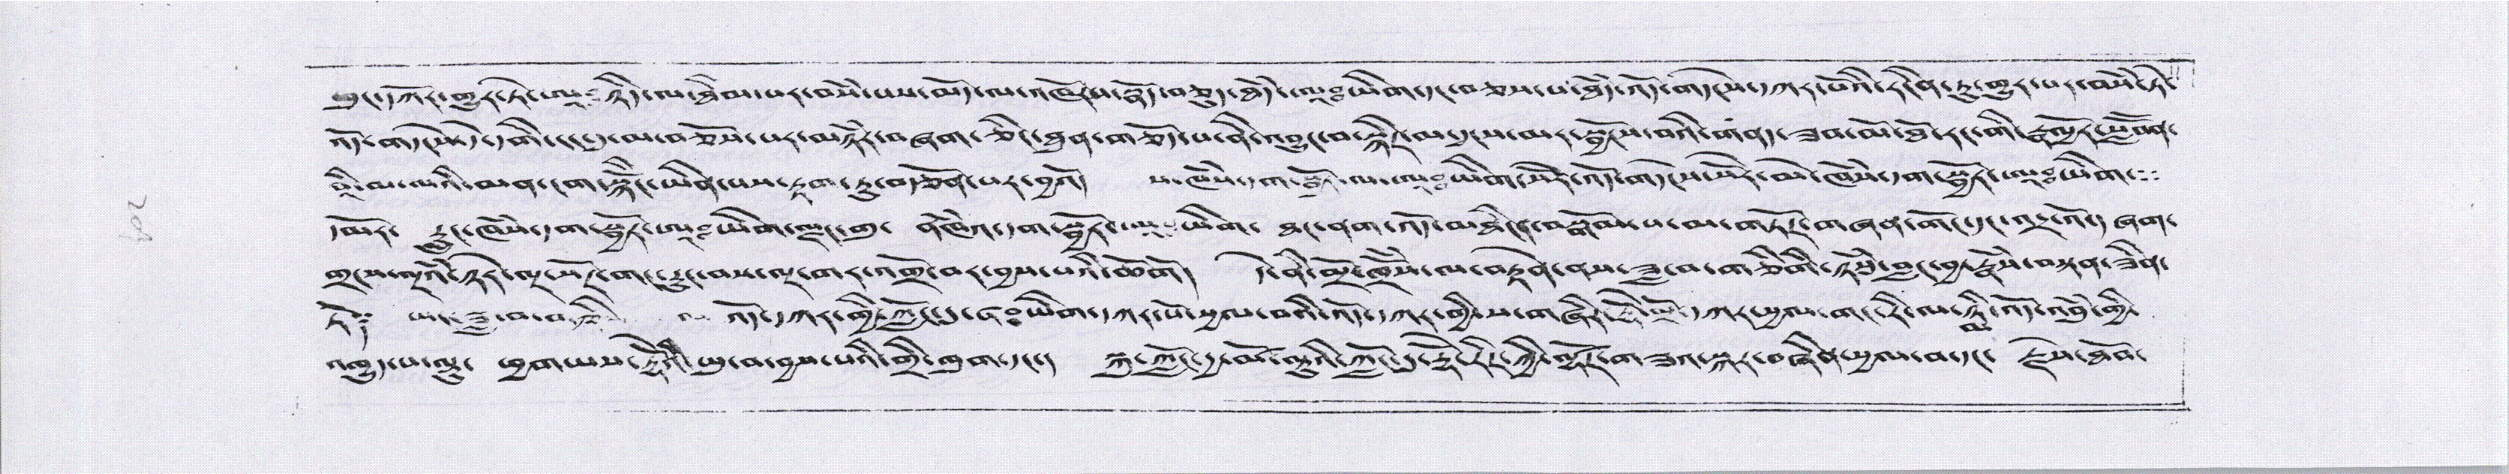ཕུང་དཀར་པོར་གྱུར་ཏེ་ཨཱཿཉིད་ལ་ཐིམ་པར་བསམ་པའི་མོད་ལ་འཁོར་འདས་སྣོད་བཅུད་ཐམས་ཅད་ཨཱཿཡིག་དང་བཅས་པ་ཐམས་ཅད་འོད་གདངས་དཀར་པོའི་རང་བཞིན་དུ་གྱུར་པར་བསམ་ཏེ་
འོད་གདེངས་དེ་དག་གི་ངང་དུ་མ་བཅོས་པར་མཉམ་པར་བཞག་ཅིང་ཐུན་གཅོད་པ་ནི་འབྱུང་བ་སྙིགས་མ་དྭངས་མར་སྦྱོང་བའི་གནད་ཟབ་མོ་འདི་ཐོ་རངས་ཀྱི་རྣལ་འབྱོར་སློབ་དཔོན་
བི་མ་ལའི་མན་ངག་སྙིང་པོ་ཡིན་པས་རྟག་ཏུ་བརྩོན་པར་བྱའོ། །ས་ཁམས་དག་སྦྱོར་ལ་ཨ་ཡིག་སེར་པོ་འོད་མདངས་སེར་པོ། མེ་ཁམས་དག་སྦྱོར་ཨཱཿཡིག་
དམར་པོ། རླུང་ཁམས་དག་སྦྱོར་ཨཱཿཡིག་ལྗང་ཁུ། ནམ་མཁའ་དག་སྦྱོར་ཨཱཿཡིག་མཐིང་ནག་འོད་མཐིང་ཁར་བསྒོམ་པ་མ་གཏོགས་གཞན་གོང་དང་འདྲའོ། ཞག་
གྲངས་ལྔའམ་ཉེར་ལྔ་སོགས་གང་རུང་ལྔ་གར་འགྲོ་བར་བྱས་པས་ཆོག་གོ །དེ་ནི་མཁའ་འགྲོ་ཁྲོས་མ་ལ་བརྟེན་ནས་ཟླ་བ་གཅིག་གི་ཉམས་སུ་བླང་བྱ་རྣམས་བསྟན་ཟིན་
ནོ།། ༧ ཡང་ཟླ་བ་གཉིས་པ་ལ་འོད་དཀར་གྱི་ཀློང་དུ་ཧཿཡིག་དཀར་པོ་གསལ་བའི་འོད་དཀར་གྱི་ས་གཞིར་རྡོ་རྗེ་མཁའ་འགྲོ་དཀར་གསལ་གངས་རི་ལ་ཉི་མ་འོད་འབུམ་གྱིས་
འཁྱུད་པ་ལྟ་བུ། ཕྱག་གཡས་རྡོ་རྗེའི་ཡུ་བ་བྱས་པའི་གྲི་ཁུག་དང་། སྐུ་ཀློང་རྒྱ་མཚོ་ལྟ་བུའི་ཀློང་དུ་རྡོ་རྗེ་རིགས་ཀྱི་ལྷ་ཚོགས་གཟའ་སྐར་ལྟར་གསལ་བ་དང་། རྗེས་ཐོབ་